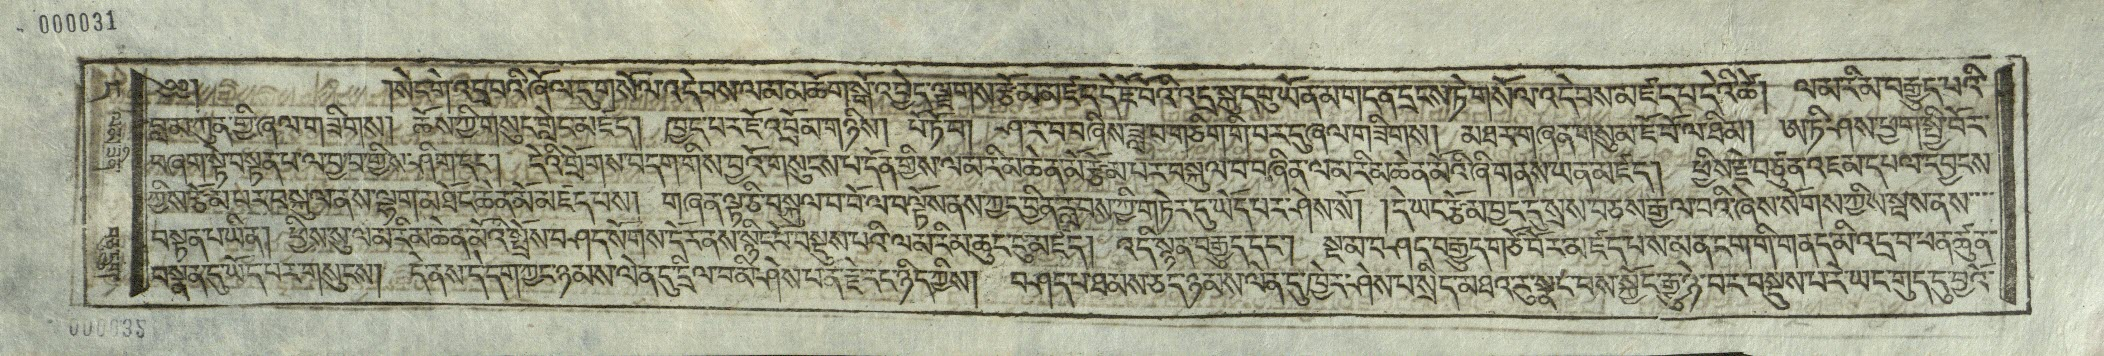༄༅། །སེང་གེ་འདྲ་བའི་ཞོལ་དུ་གསོལ་འདེབས་ལམ་མཆོག་སྒོ་འབྱེད་ལྗགས་རྩོམ་མཛད་དེ་ཇོ་བོའི་འདྲ་སྐུ་དབུ་ཡོན་མ་གདན་དྲངས་ཏེ་གསོལ་འདེབས་མཛད་པ་དེའི་ཚེ། ལམ་རིམ་བརྒྱུད་པའི་
བླ་མ་ཀུན་གྱི་ཞལ་གཟིགས། ཆོས་ཀྱི་གསུང་གླེང་མཛད། ཁྱད་པར་ཇོ་འབྲོམ་གཉིས། པོ་ཏོ་བ། ཤ་ར་བ་བཞིས་ཟླ་བ་གཅིག་གི་བར་དུ་ཞལ་གཟིགས། མཐར་གཞན་གསུམ་ཇོ་བོ་ལ་ཐིམ། ཨ་ཏི་ཤས་ཕྱག་སྤྱི་བོར་
བཞག་སྟེ་བསྟན་པ་ལ་བྱ་བ་གྱིས་ཤིག་དང་། དེའི་གྲོགས་བདག་གིས་བྱའོ་གསུངས་པ་དོན་གྱིས་ལམ་རིམ་ཆེན་མོ་རྩོམ་པར་བསྐུལ་བ་བཞིན་ལམ་རིམ་ཆེན་མོའི་ཞི་གནས་ཡན་མཛད། ཕྱིས་རྗེ་བཙུན་འཇམ་དཔལ་དབྱངས་
ཀྱིས་རྩོམ་པར་བསྐུལ་ནས་ལྷག་མཐོང་ཆེན་མོ་མཛད་པས། གཞན་ལྟ་ཅི་བསྐུལ་བ་བོ་ལ་བལྟོས་ནས་ཀྱང་བྱིན་རླབས་ཀྱི་གཏེར་དུ་ཡོད་པར་ཤེས་སོ། །དེ་ཡང་རྩོམ་བྱང་དུ་སྲས་བཅས་རྒྱལ་བའི་ཞེས་སོགས་ཀྱིས་སྦས་ནས་
བསྟན་པ་ཡིན། ཕྱིས་སུ་ལམ་རིམ་ཆེན་མོའི་སྤྲོས་བཤད་སོགས་དོར་ནས་སྙིང་པོ་བསྡུས་པའི་ལམ་རིམ་ཆུང་ངུ་མཛད། འདི་སྙན་བརྒྱུད་དང་། སྔ་མ་བཤད་བརྒྱུད་གཙོ་བོར་མཛད་པས་མན་ངག་གི་གནད་མི་འདྲ་བ་ཕན་ཚུན་
བསྣན་དུ་ཡོད་པར་གསུངས། དེ་ནས་དེ་དག་ཀྱང་ཉམས་ལེན་དུ་དྲིལ་བ་མི་ཤེས་པ་ན་རྗེ་རང་ཉིད་ཀྱིས། བཤད་པ་ཐམས་ཅད་ཉམས་ལེན་དུ་ཁྱེར་ཤེས་པ་སྲིད་མཐའ་རུ་སྣང་བས་སྐྱོང་རྒྱུ་ཉེ་བར་བསྡུས་པ་རེ་ཡང་གུད་དུ་བྱའོ་